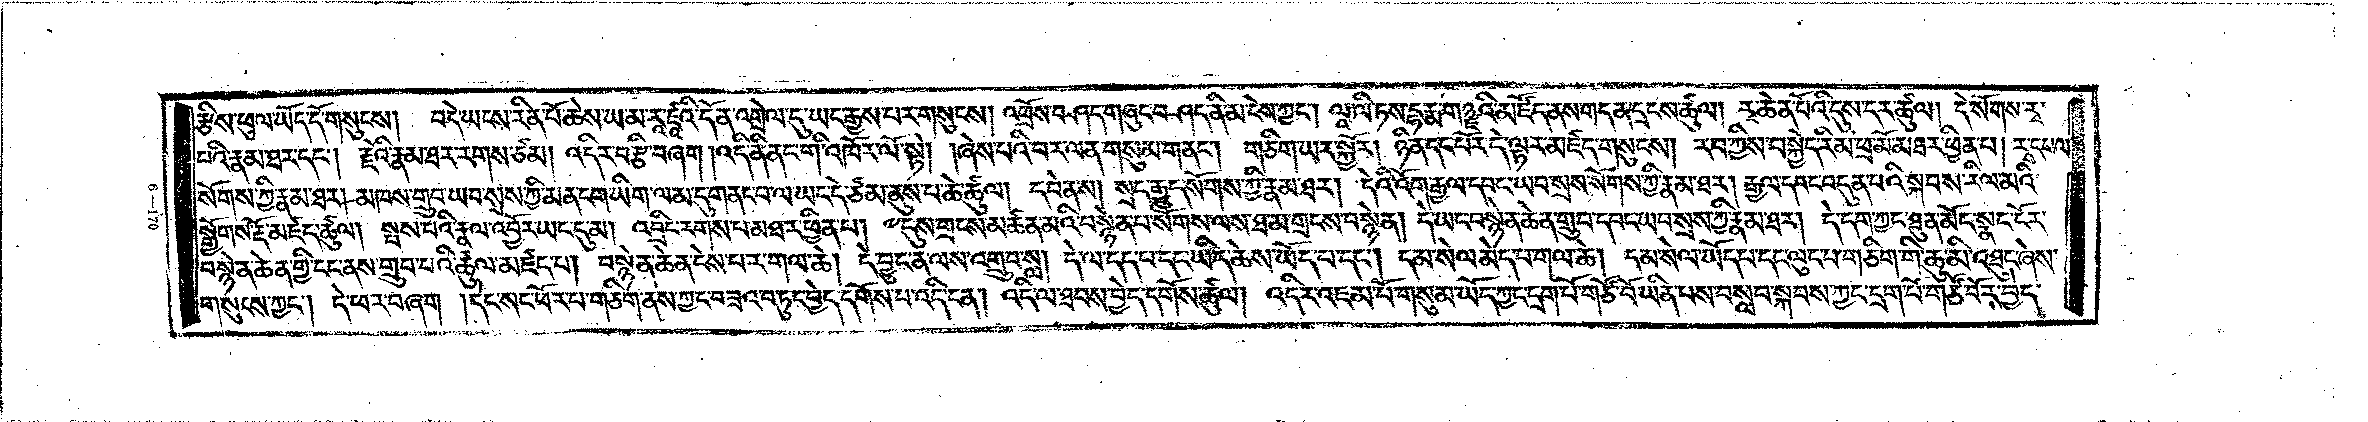?ཕུལ་ཡོད་དོ་གསུངས། བདེ་ཡངས་རིན་པོ་ཆེས་ཡ་མ་རཱ་ཛཱའི་དོན་འགྲེལ་དུ་ཡང་རྒྱས་པར་གསུངས། འཕྲོས་བཤད་གཞུང་བཤད་ནི་མ་ངེས་ཀྱང་། ལཱ་ལི་ཏས་དྷརྨ་གཉྫའི་མཛོད་ནས་གདན་དྲངས་ཚུལ། རྭ་ཆེན་པོའི་དུས་དར་ཚུལ། དེ་སོགས་རྭ་
?རྣམ་ཐར་དང་། རྗེའི་རྣམ་ཐར་རགས་ཙམ། འདིར་བརྩི་བཞག །འདི་ནི་ནང་གི་འཁོར་ལོ་སྟེ། །ཞེས་པའི་བར་ལན་གསུམ་གནང་། གཅིག་ཡར་སྐྱོར། ཉིན་དང་པོར་དེ་ལྟར་མཛད་གསུངས། རབ་ཀྱིས་བསྐྱེད་རིམ་ཕྲ་མོ་མཐར་ཕྱིན་པ། རྭ་དཔལ་
སོགས་ཀྱི་རྣམ་ཐར། མཁས་གྲུབ་ཡབ་སྲས་ཀྱི་མན་ངག་ཡིག་ལམ་དུ་གནང་བ་ལ་ཡང་དེ་ཙམ་ནུས་པ་ཆེ་ཚུལ། དབེན་ས། སྲད་རྒྱུད་སོགས་ཀྱི་རྣམ་ཐར། དེའི་འོག་རྒྱལ་དབང་ཡབ་སྲས་སོགས་ཀྱི་རྣམ་ཐར། རྒྱལ་དབང་བདུན་པའི་སྐབས་རིལ་མའི་
སྒྱོགས་རྡོ་མཛད་ཚུལ། སྦས་པའི་རྣལ་འབྱོར་ཡང་དུ་མ། འབྲིང་རགས་པ་མཐར་ཕྱིན་པ། ༧་དུས་གྲངས་མཚན་མའི་བསྙེན་པ་སོགས་ལས་ཐ་མ་གྲངས་བསྙེན། དེ་ཡང་བསྙེན་ཆེན་གྲུབ་དབང་ཡབ་སྲས་ཀྱི་རྣམ་ཐར། དེ་དག་ཀྱང་ཐུན་མོང་སྣང་ངོར་
བསྙེན་ཆེན་གྱི་ངང་ནས་གྲུབ་པའི་ཚུལ་མཛད་པ། བསྙེན་ཆེན་ངེས་པར་གལ་ཆེ། དེ་བྱུང་ན་ལས་འགྲུབ་སླ། དེ་ལ་དད་པ་དང་ཡིད་ཆེས་ཡོད་པ་དང་། དམ་སེལ་མེད་པ་གལ་ཆེ། དམ་སེལ་ཡོད་པ་དང་ལུང་པ་གཅིག་གི་ཆུ་མི་འཐུང་ཞེས་
སངས་ཀྱང་། དེ་ཕར་བཞག །དེང་སང་ཕོར་པ་གཅིག་ནས་ཀྱང་བཟའ་བཏུང་བྱེད་དགོས་པ་འདི་ངན། འདི་ལ་ཐབས་བྱེད་དགོས་ཚུལ། འདིར་འཇམ་པོ་གསུམ་ཡོད་ཀྱང་དྲག་པོ་གཙོ་བོ་ཡིན་པས་བསླབ་སྐབས་ཀྱང་དྲག་པོ་གཙོ་བོར་བྱེ་